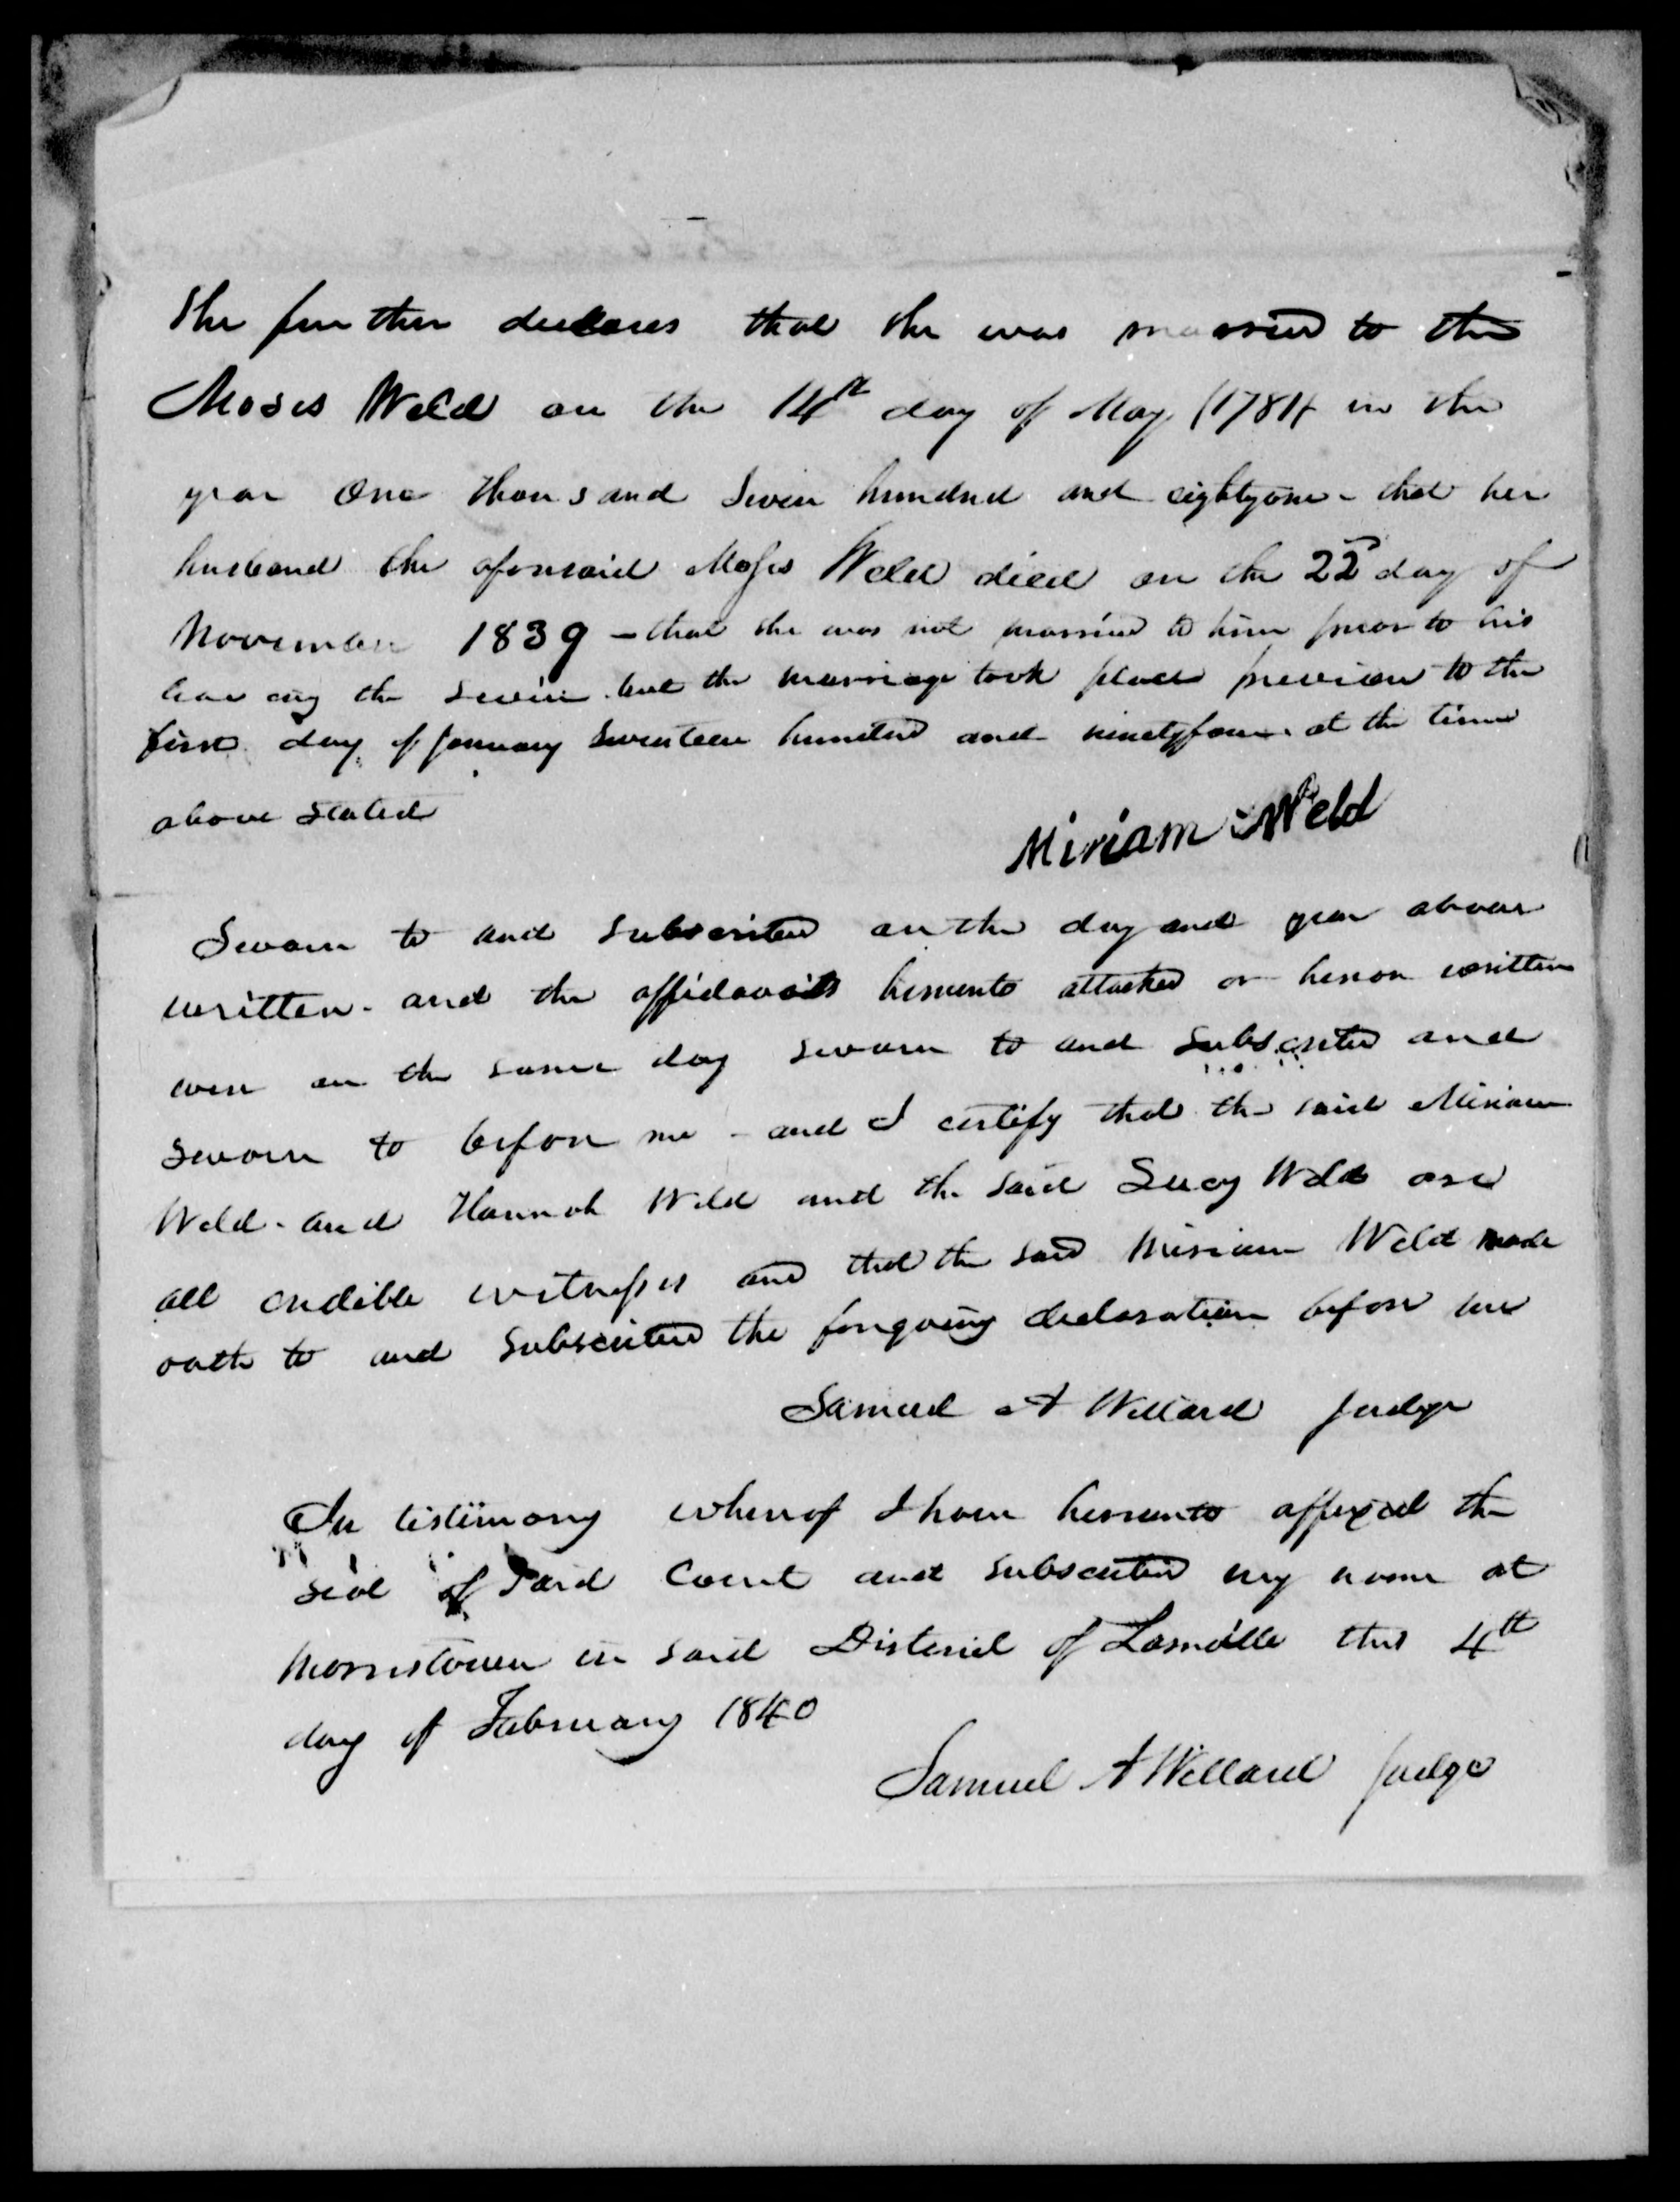She further declares that she was married to the Moses Weld on the 14th day of May (1781) in the year one thousand seven hundred and eighty one - that her husband the aforesaid Moses Weld died on the 22 day of November 1839 - that she was not married to him prior to his by the service but the marriage took place previous to the first day of January Seventeen hundred and ninety four at the time above stated
Miriam Weld

Sworn to and subscribed on the day and year above written, and the affidavits hereto attached or herein written [even]? on the same day sworn to and subscribed and sworn to before me - and I certify that the said Miriam Weld and Hannah Weld and the said Lucy Weld are credible witnesses and that the said Miriam Weld made oath to and subscribed the foregoing declaration before me
Samuel A Willard Judge
In testimony whereof I have hereunto affixed the seal of said Court and subscribed my name at Morristown in said District of Lamoille this 4th day of January 1840
Samuel A Willard Judge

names: Samuel A Willard, Hannah Weld, Moses Weld, Lucy Weld, Miriam Weld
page: 14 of 87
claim: widow's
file: W. 25,966, Moses Weld, Mass.